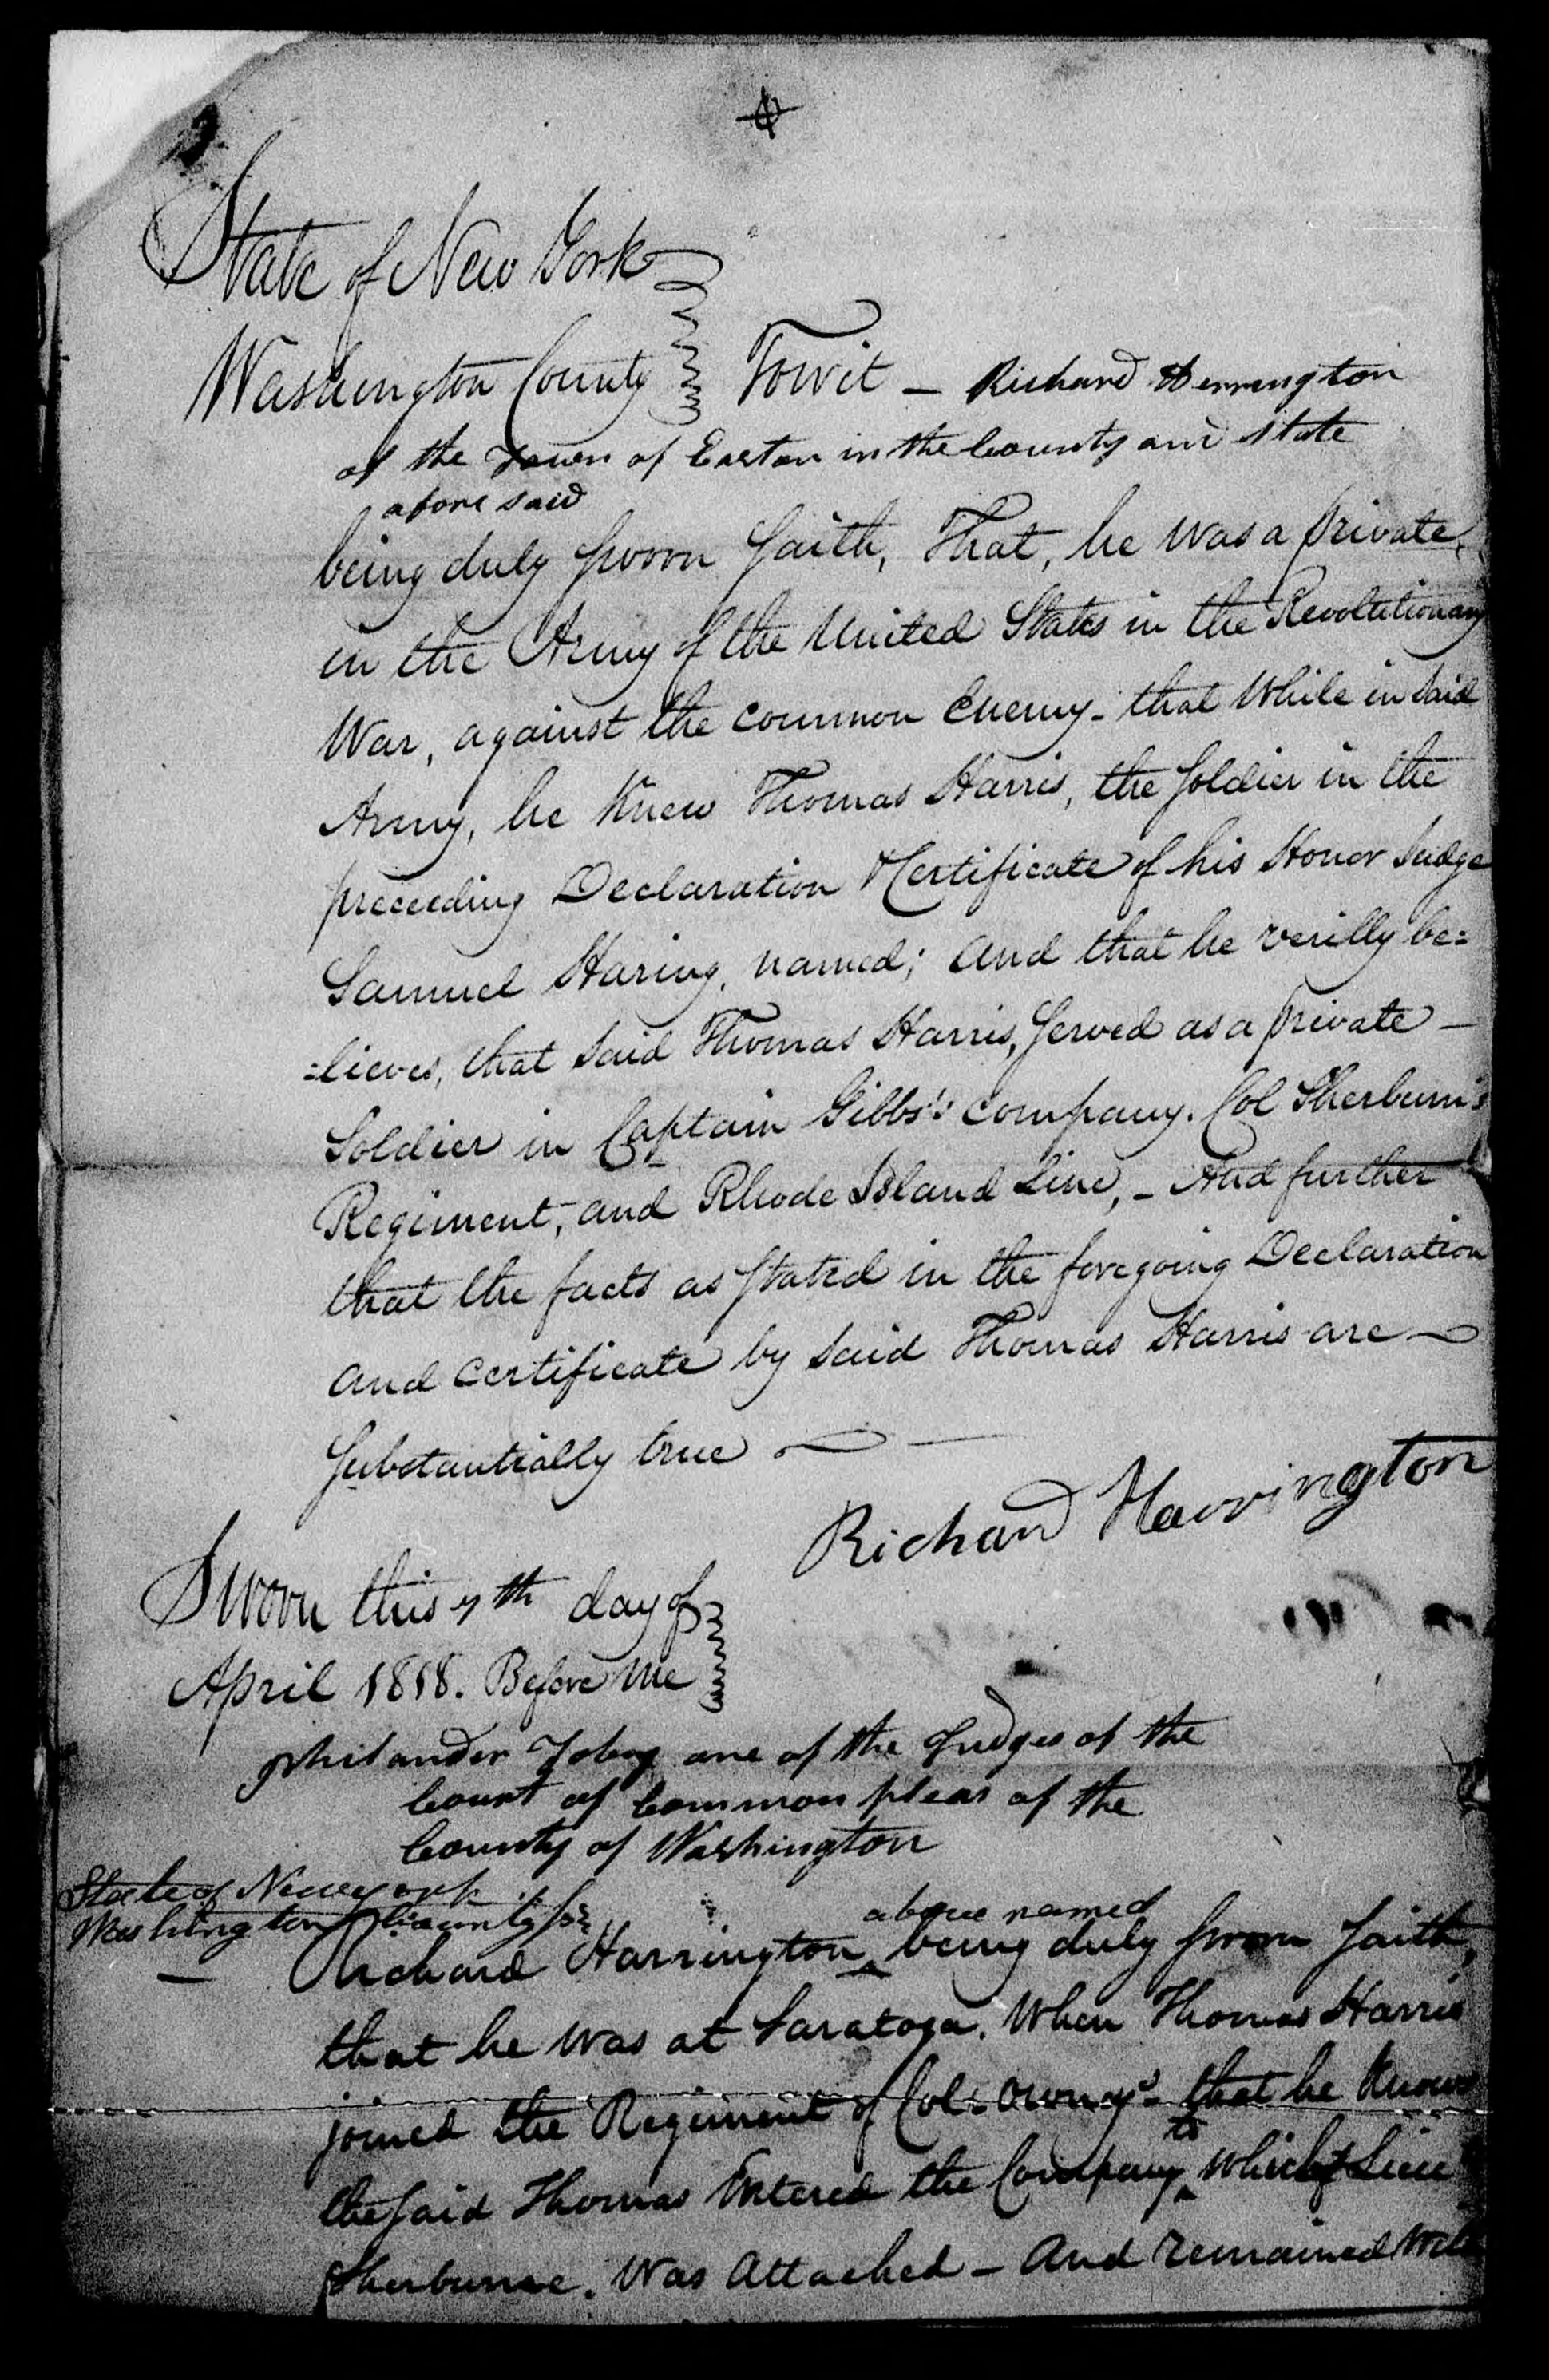State of New York Washington County Towit - Richard Harrington of the Town of Easton in the county and state aforesaid. Being duly sworn faith, that, he was a private in the Army of the United States in the Revolutionary War, against the common enemy. That what in said Army, he knew Thomas Harris, the soldier in the preceeding Declaration & Certificate of his Honor Judge Samuel Haring, named; and that he verily believed that said Thomas Harris served as a private soldier in Captain Gibbs's company. Col. Sherburne's Regiment, and Rhode Island line. And further that the facts as stated in the foregoing Declaration and certificate by said Thomas Harris are substantially true. Richard Harrington. 
Sworn this 7th day of April 1818 Befor eme. Philander Tobey one of the Judges of the Court of Common Pleas of the County of Washington. 
State of NewYork Washington County Ss. Richard Harrington above named being duly sworn faith that he was at Saratoga when Thomas Harris joined the Regiment of Col. Olney's that he knows the said Thomas entered the Company to which [illegible] Sherburne was attached. And remained with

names: Sherburne, Thomas Harris, Richard Herrington, Thomas Harris, Owney, Thomas, Thomas Harris, Thomas Harris, Richard Harrington, Samuel Haring, Philander Tobey, Richard Harrington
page: 14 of 16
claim: survivor's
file: S. 38815, Thomas Harris, R.I.